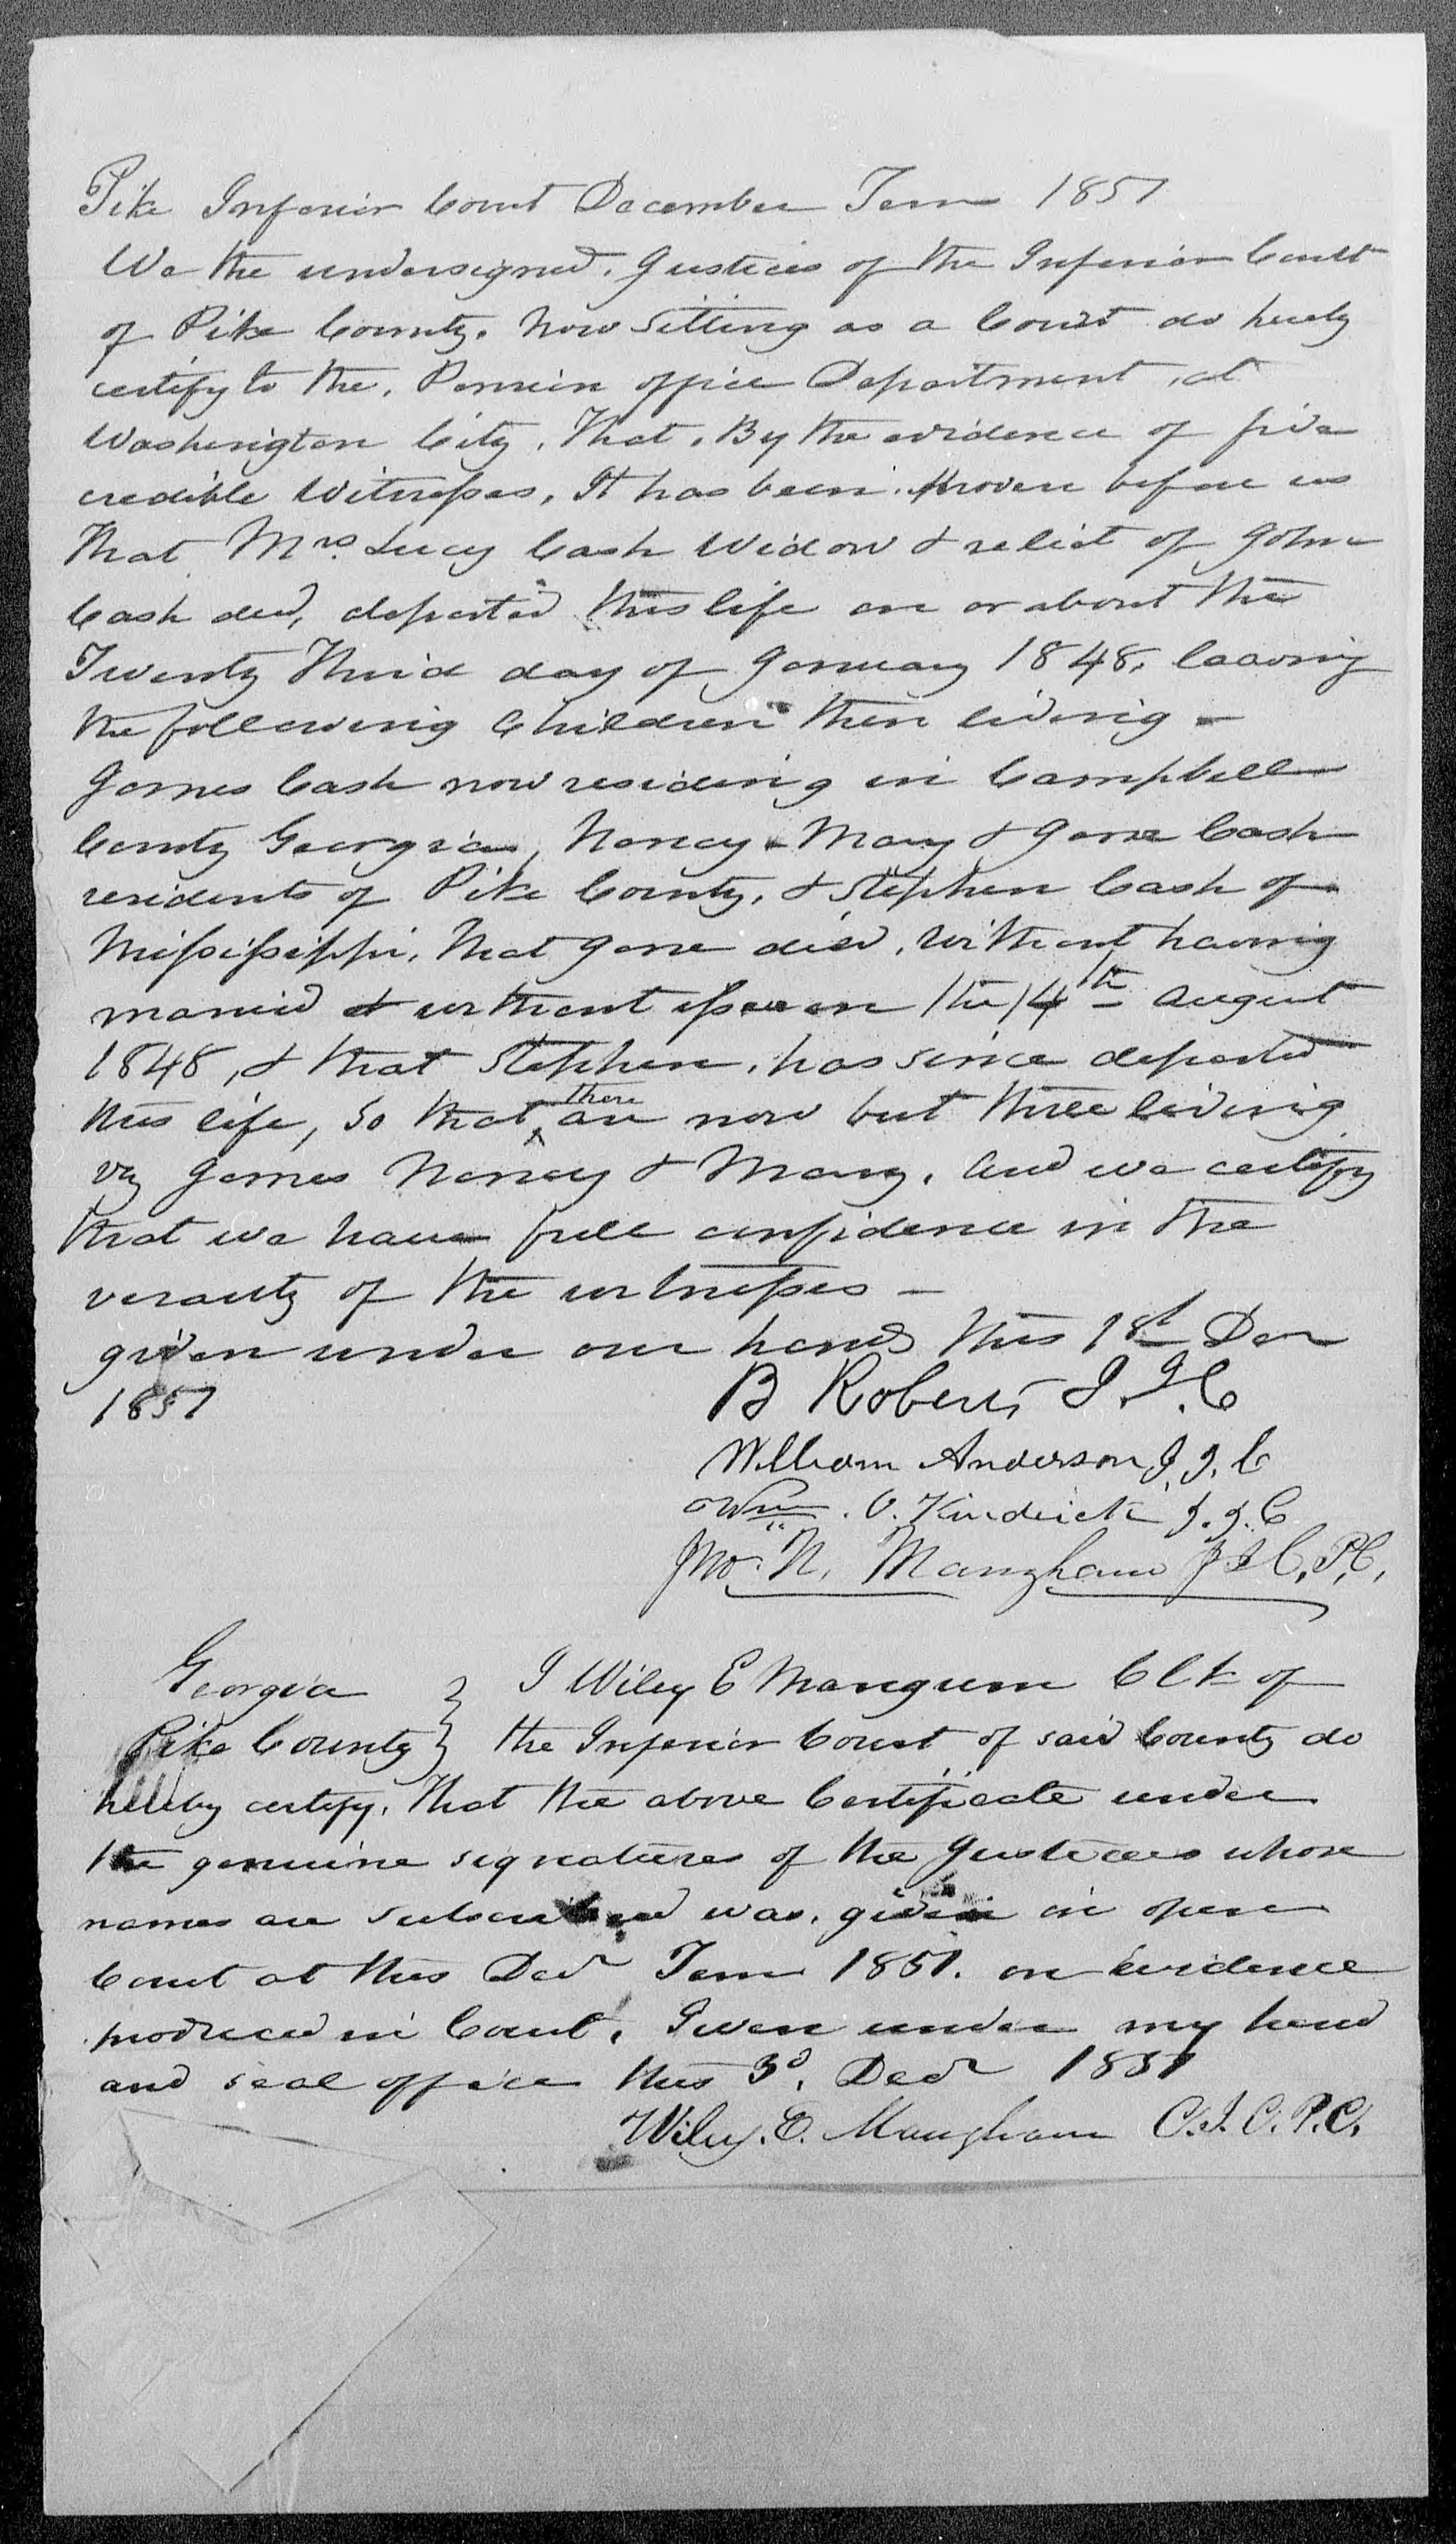Pike Inferior Court December Term 1857
We the undersigned Justices of the Inferior Court of Pike County, now sitting as a Court do hereby certify to the Pension office Department at
Washington City, That, By the evidence of five credible witnesses. It has been proven before us
That Mrs. Lucy Cash, Widow & relict of John Cash decd, departed this life on or about the Twenty Third day of January 1848, leaving the following children then living -
James Cash now residing in Campbell County Georgia, 
Nancy Mary & Jane Cash, residents of Pike County & Stephen Cash of
Mississippi, Nat gone died, without having married a _____ issued the 14th August 1848, & that Stephen, has since departed this life, so that now but three living viz James, Nancy & Mary, and we certify that we have full confidence in the
veracity of the witnesses.
Given under our hand this 1st Dec
1857
B Roberts J.C
William Anderson J.J.C
Wm O. Kindrick J.S. C
J. N. Mangham JP.C.

Pike County, 
GA
I, Wiley E Mangum JP Clk of Pike County ⎬ the Inferior Court of said County do hereby certify, That the above certificate under the genuine signatures of the Justices whose
names are subscribed was given in open Court at this Dec Term 1857 in evidence produced in Court. Given under my hand
and seal office
this 3d Dec 1857
Wiley E. Maugham C. J.C. P.C.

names: Mary Cash, Jno N Mangham, Stephen, Wiley E Mangham, Wiley E Mangum, B Roberts, Mary, Stephen Cash, James Cash, Nancy Cash, Nancy, Wm O Kindrick, Lucy Cash, William Anderson, John Cash, Jane Cash, James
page: 61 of 73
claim: widow's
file: W. 5,894, John Cash, Va.